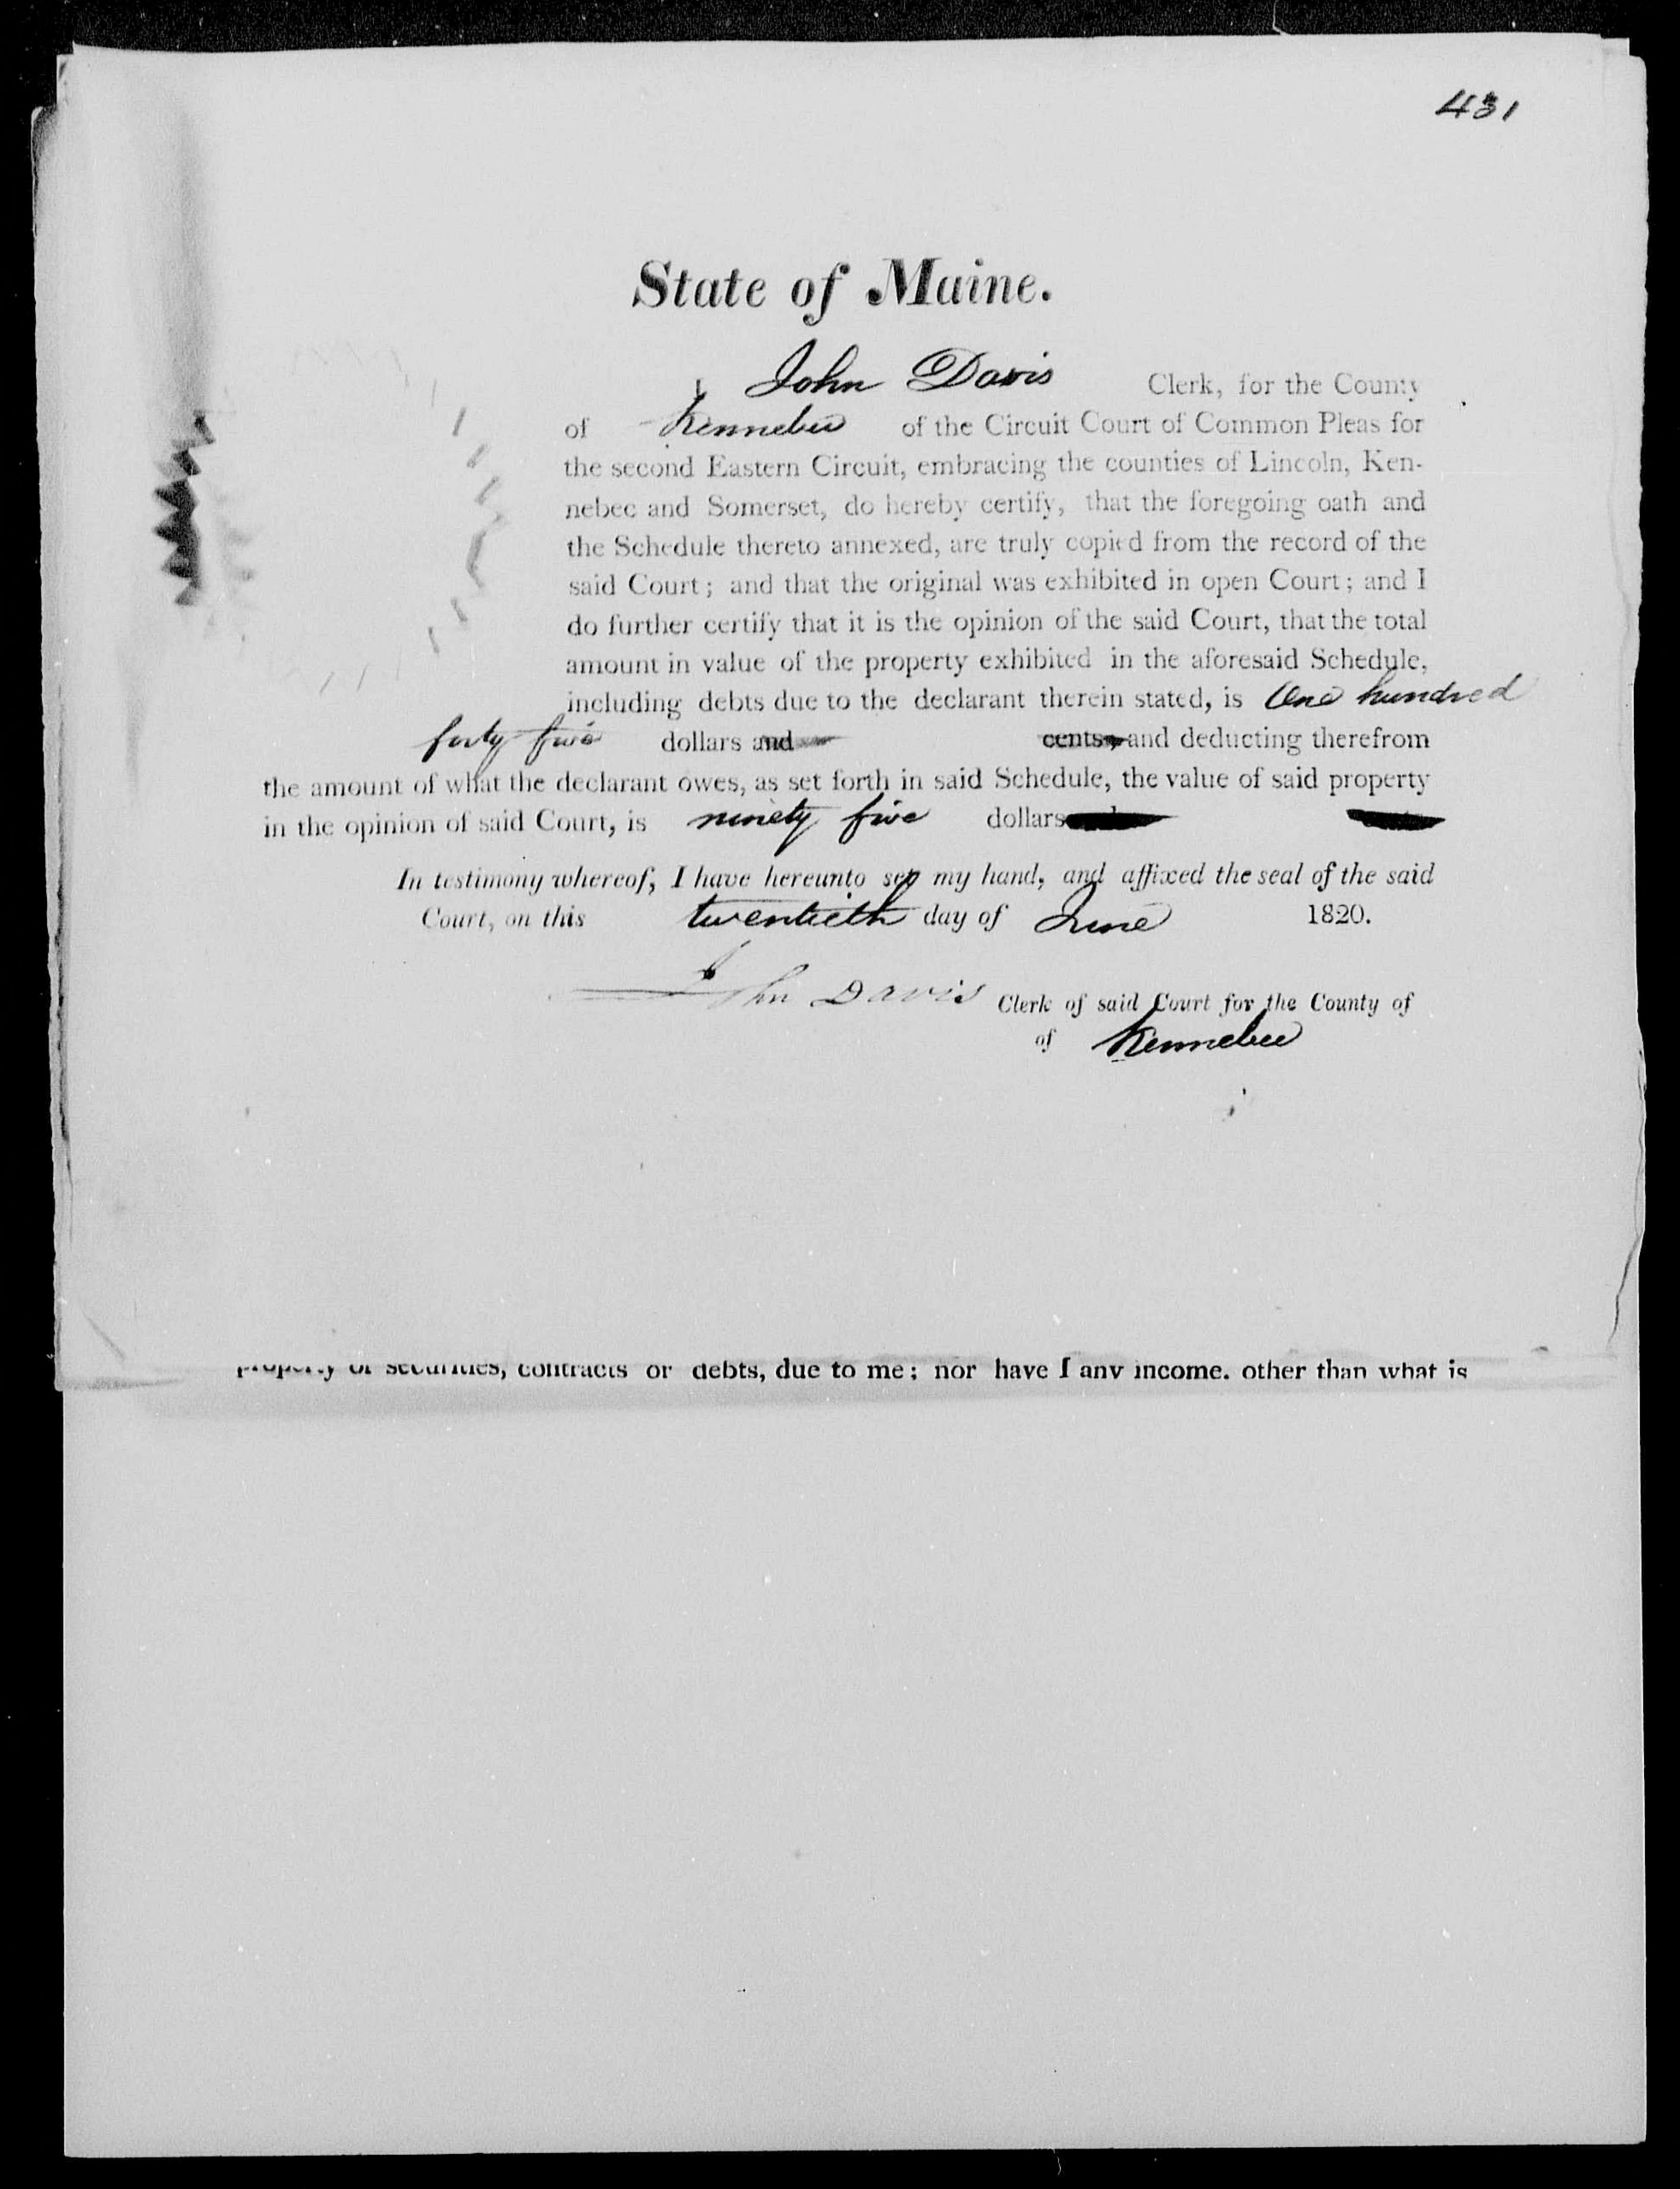431

State of Maine.
John Davis Clerk, for the County
of Kennebec of the Circuit Court of Common Pleas for
the second Eastern Circuit, embracing the counties of Lincoln, Kennebec
and Somerset, do hereby certify, that the foregoing oath and
the Schedule thereto annexed, are truly copied from the record of the
said court; and that the original was exhibited in open Court; and I
do further certify that it is the opinion of the said Court, that the total
amount in value of the property exhibited in the aforesaid Schedule,
including debts due to the declarant therein stated, is One hundred
forty five dollars and      cents and deducting therefrom
the amount of what the declarant owes, as set forth in said Schedule, the value of said property
in the opinion of said Court, is ninety five dollars
In testimony whereof, I have hereunto set my hand, and affixed the seal of the said 
Court, on this Twentieth day of June 1820.
John Davis Clerk of said Court for the County of
of Kennebec


properties or securities, contracts or debts, due to me; nor have I any income, other than what is

[Left hand side of page illegible seal]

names: John Davis, John Davis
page: 10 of 39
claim: widow's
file: W. 23,621, Increase Blethen, Mass.